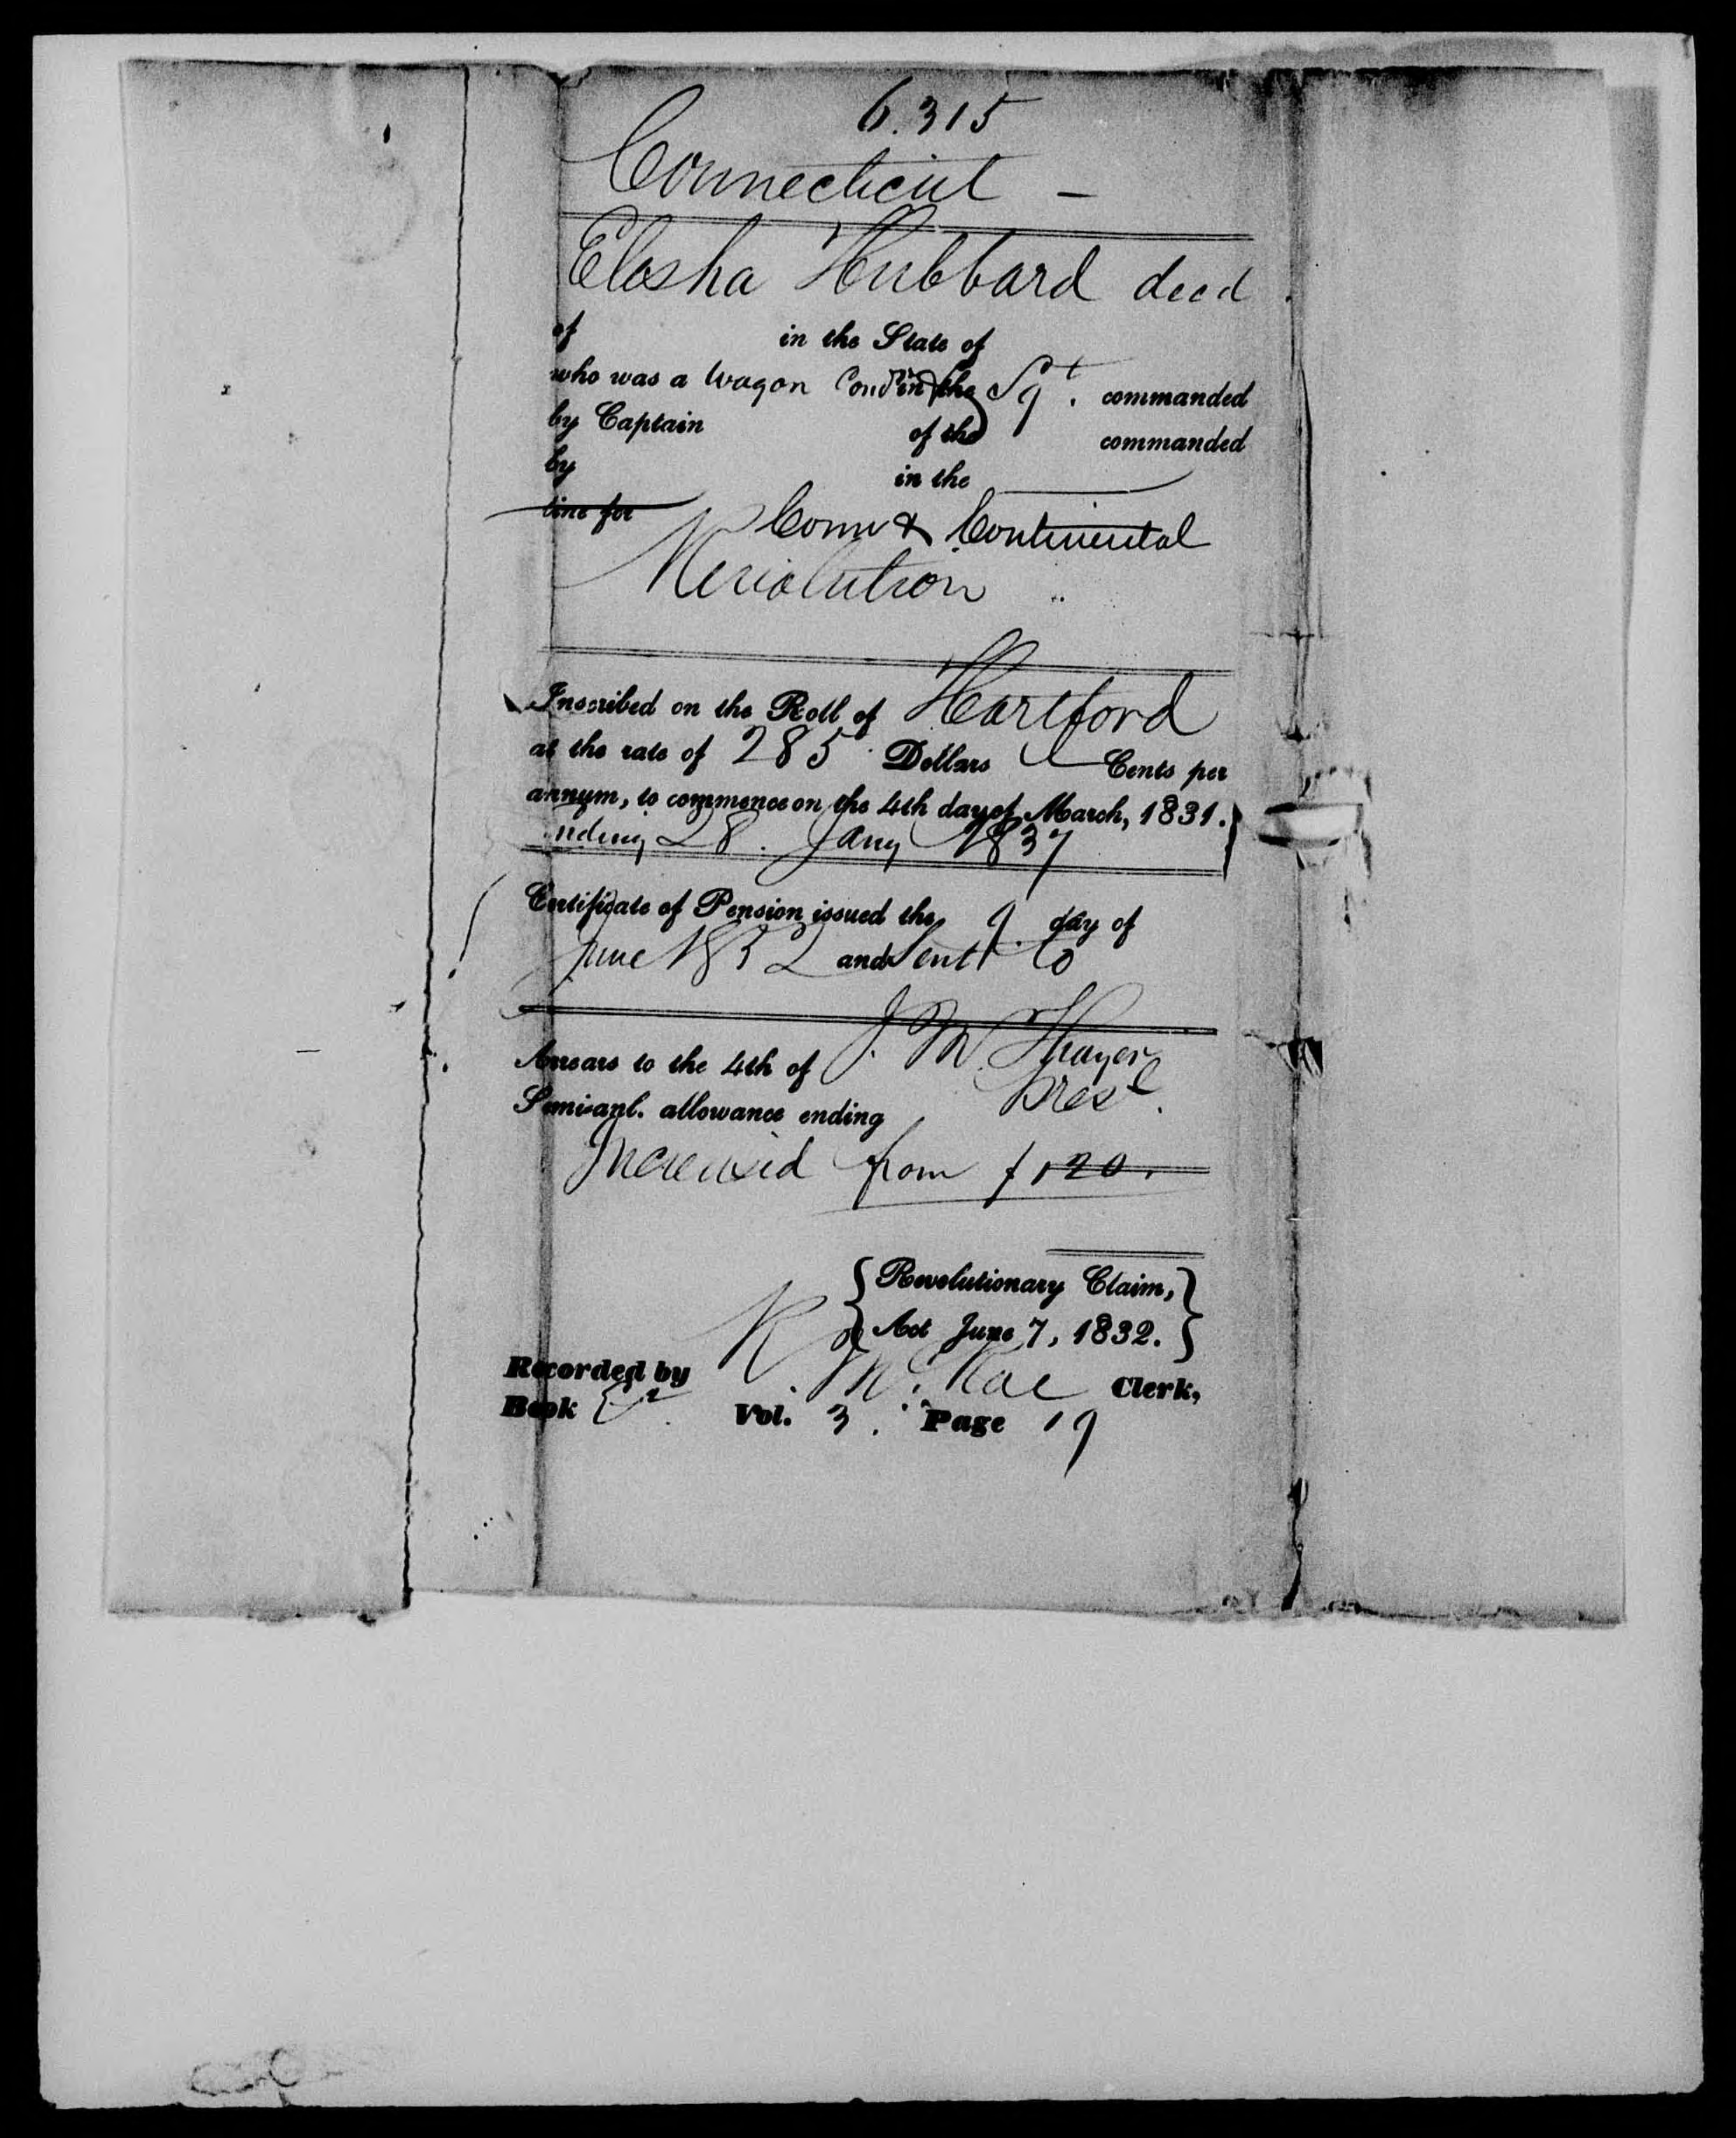6.315
Connecticut - 

Elisha Hubbard   decd
of      in the State of     who was a wagon Company Sgt. commanded by     in      Conn & Continental Revolution

Inscribed on the Roll of Hartford at the rate of 285 Dollars     Cents per annum, to commence on the 4th day of March, 1831. Ending 28 Jany 1837

Certificate of Pension issued the 7 day of June 1832 and Sent to 
J. M. Thayer
Presd.

Arrears to the 4th of 
Semi-anl. allowance ending
Increased from $120.

{Revolutionary Claim, }
{ Act June 7, 1932}
Recorded by R. McRae Clerk, 
Book    Vol. 3    Page 19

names: R Mc Rae, J M Thayer, Elisha Hubbard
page: 3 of 63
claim: survivor's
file: S. 18457, Elisha Hubbard, Conn. Continental